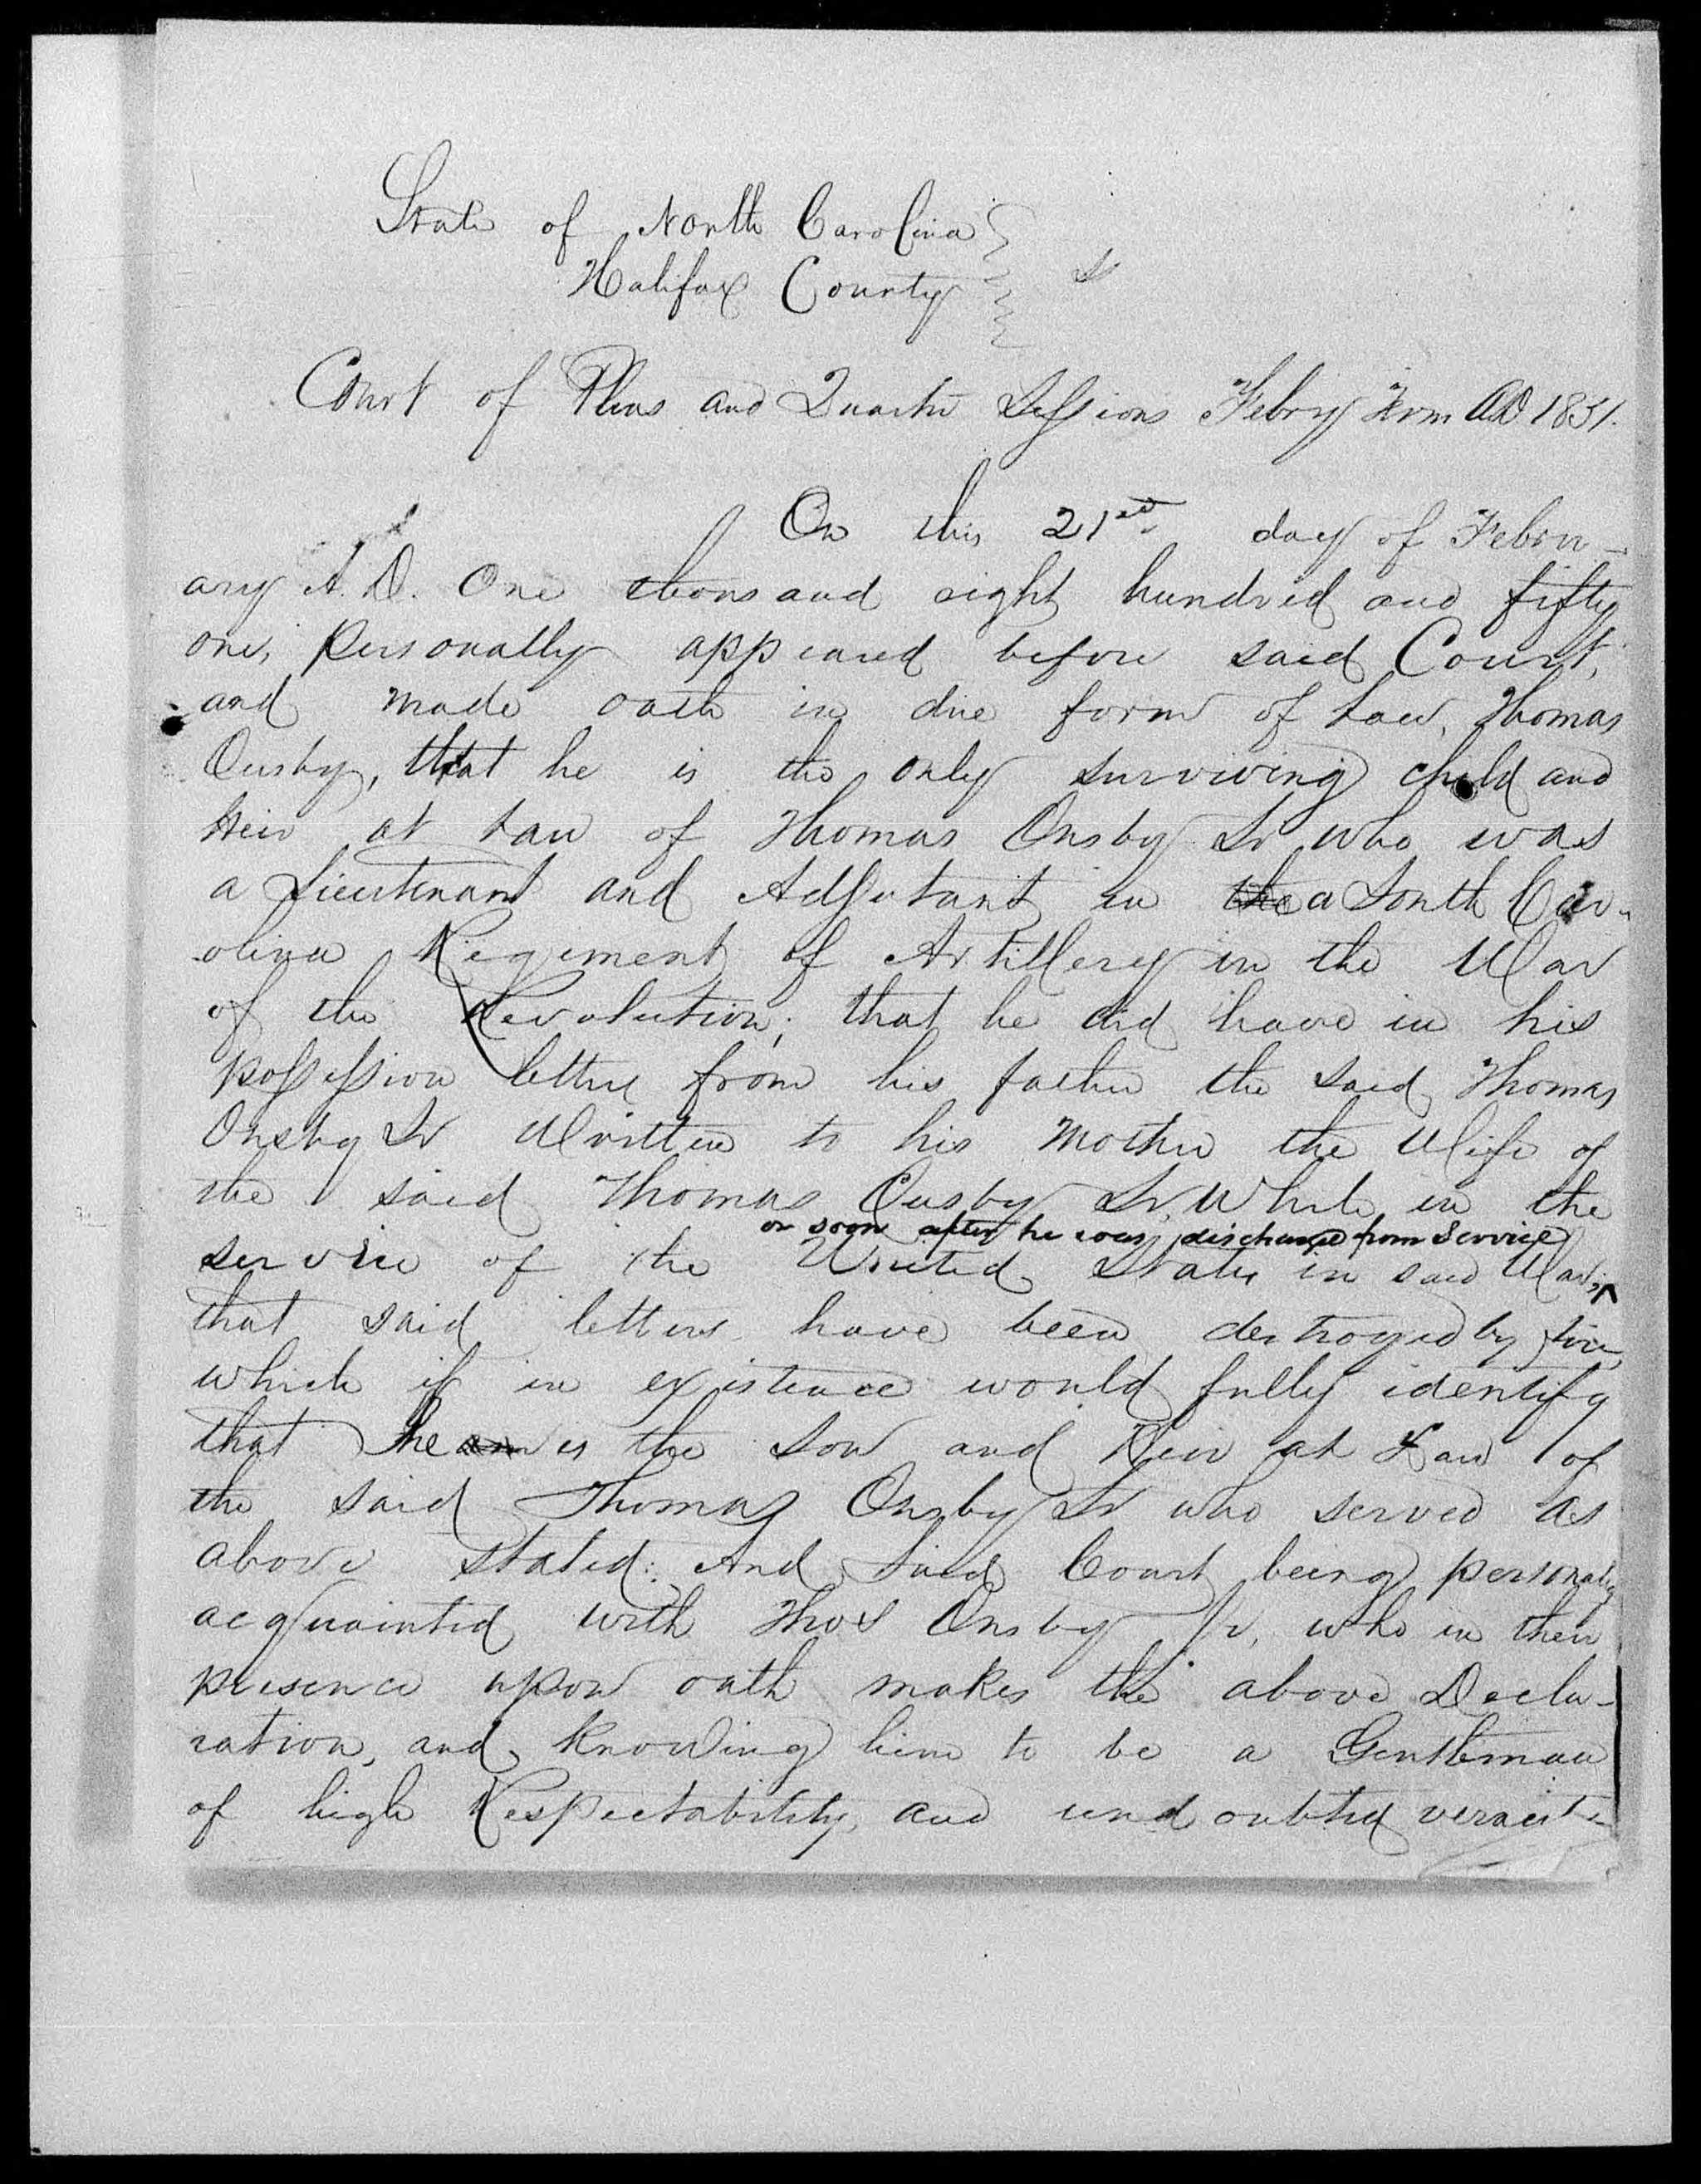State of North Carolina
Halifax County

Court of Pleas and  Febry A.D. 1831

On this 21st day of February A.D. One thousand eight hundred and fifty one, Personally appeared before said Court, and made oath in dire form of law, Thomas Ousby that he is the only surviving child and heir of law of Thomas Ousby Sr who was a Lieutenant and Adjutant in a South Carolina Regiment of Artillery in the War of the Revolution; that he did have in his better from his father the said Thomas Ousby Sr written to his mother the wife of the said Thomas Ousby Sr which in the service of the United States in said War; or soon after he was discharged from Service that said letters have been destroyed by him which if in existence would fully identify that he is the son and heir of Land of the said Thomas Ousby Sr who served as above stated. And said being personally acquainted with Thomas Ousby Jr with in their presence upon with makes the above Declaration and knowing him to be a Gentleman of high Responsibility and undoubtedly veracity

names: Thomas Ousby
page: 2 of 13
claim: bounty land warrant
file: B. L. Wt. 2455-200, for Thomas Ousby, South Carolina